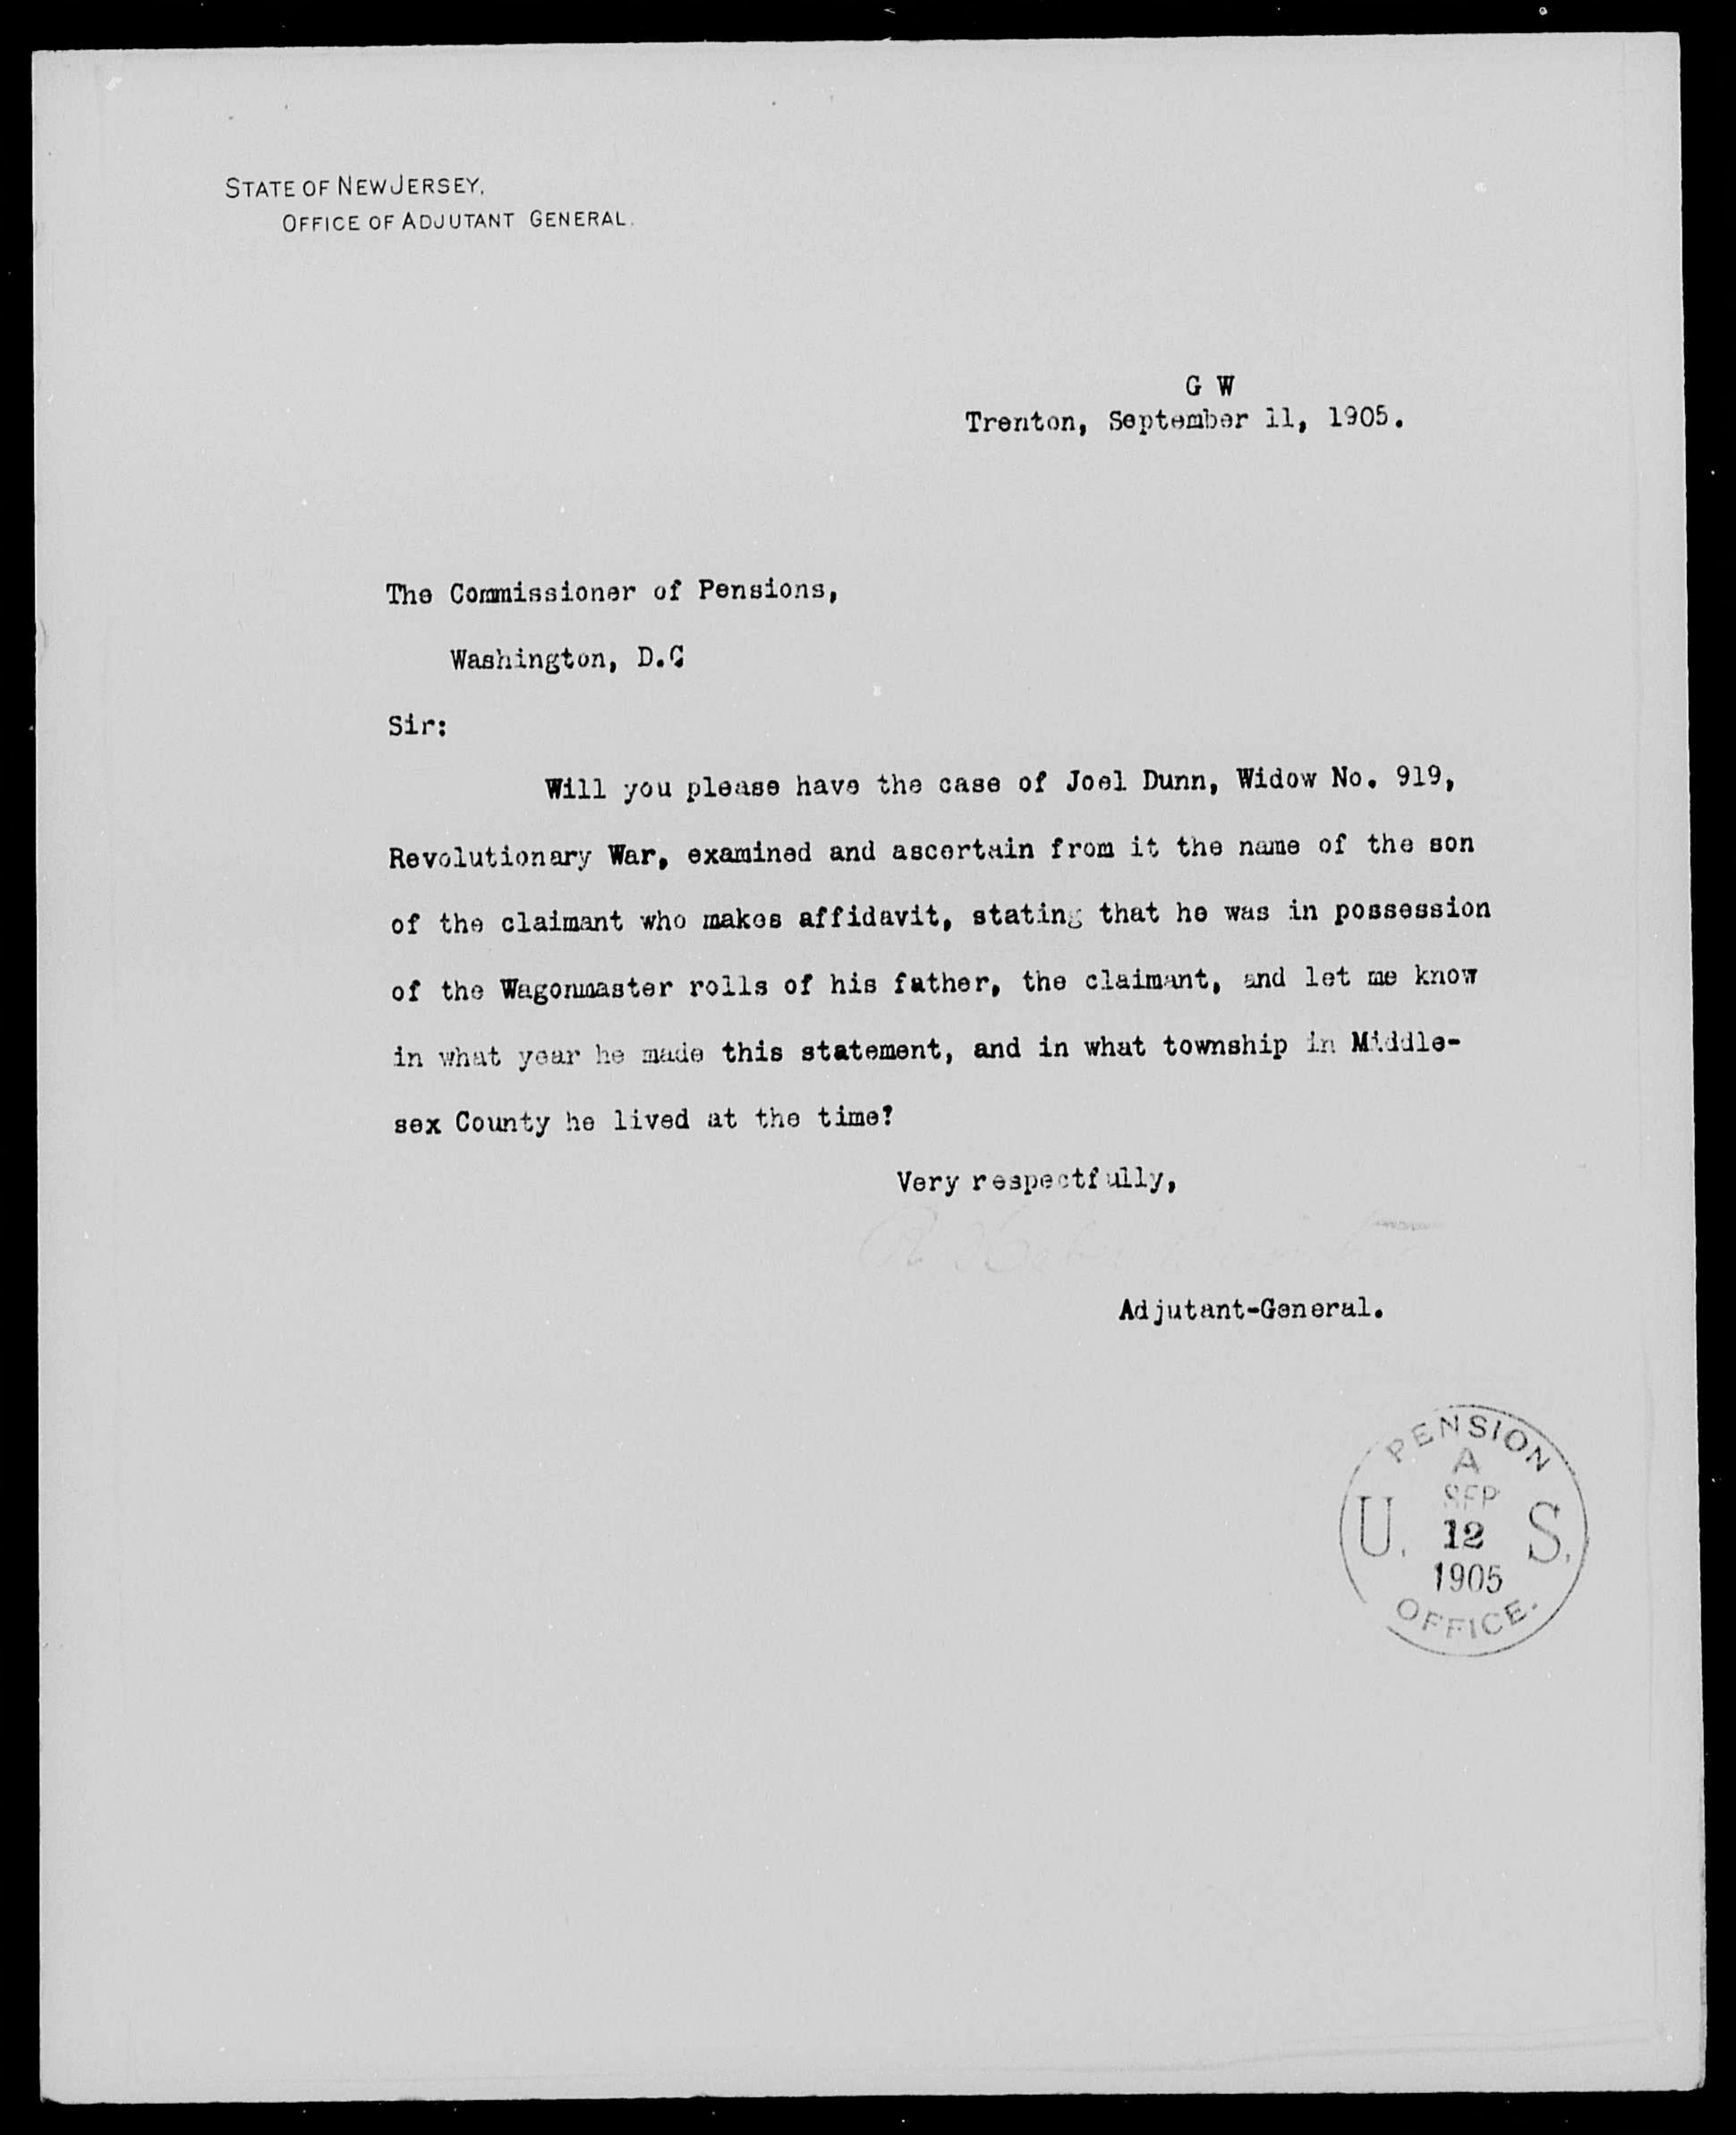STATE OF NEW JERSEY,
OFFICE OF ADJUTANT GENERAL.

GW
Trenton, September 11, 1905.

The Commissioner of Pensions,
Washington, D.C.
Sir:

Will you please have the case of Joel Dunn, Widow No. 919,
Revolutionary War, examined and ascertain from it the name of the son
of the claimant who makes affidavit, stating that he was in possession
of the Wagonmaster rolls of his father, the claimant, and let me know
in what year he made this statement, and in what township in Middlesex
County he lived at the time?

Very respectfully,
Adjutant-General.

PENSION
A
U.S. 
SEP
12
1905
OFFICE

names: Joel Dunn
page: 51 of 52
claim: widow's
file: W. 919, Joel Dunn, New Jersey